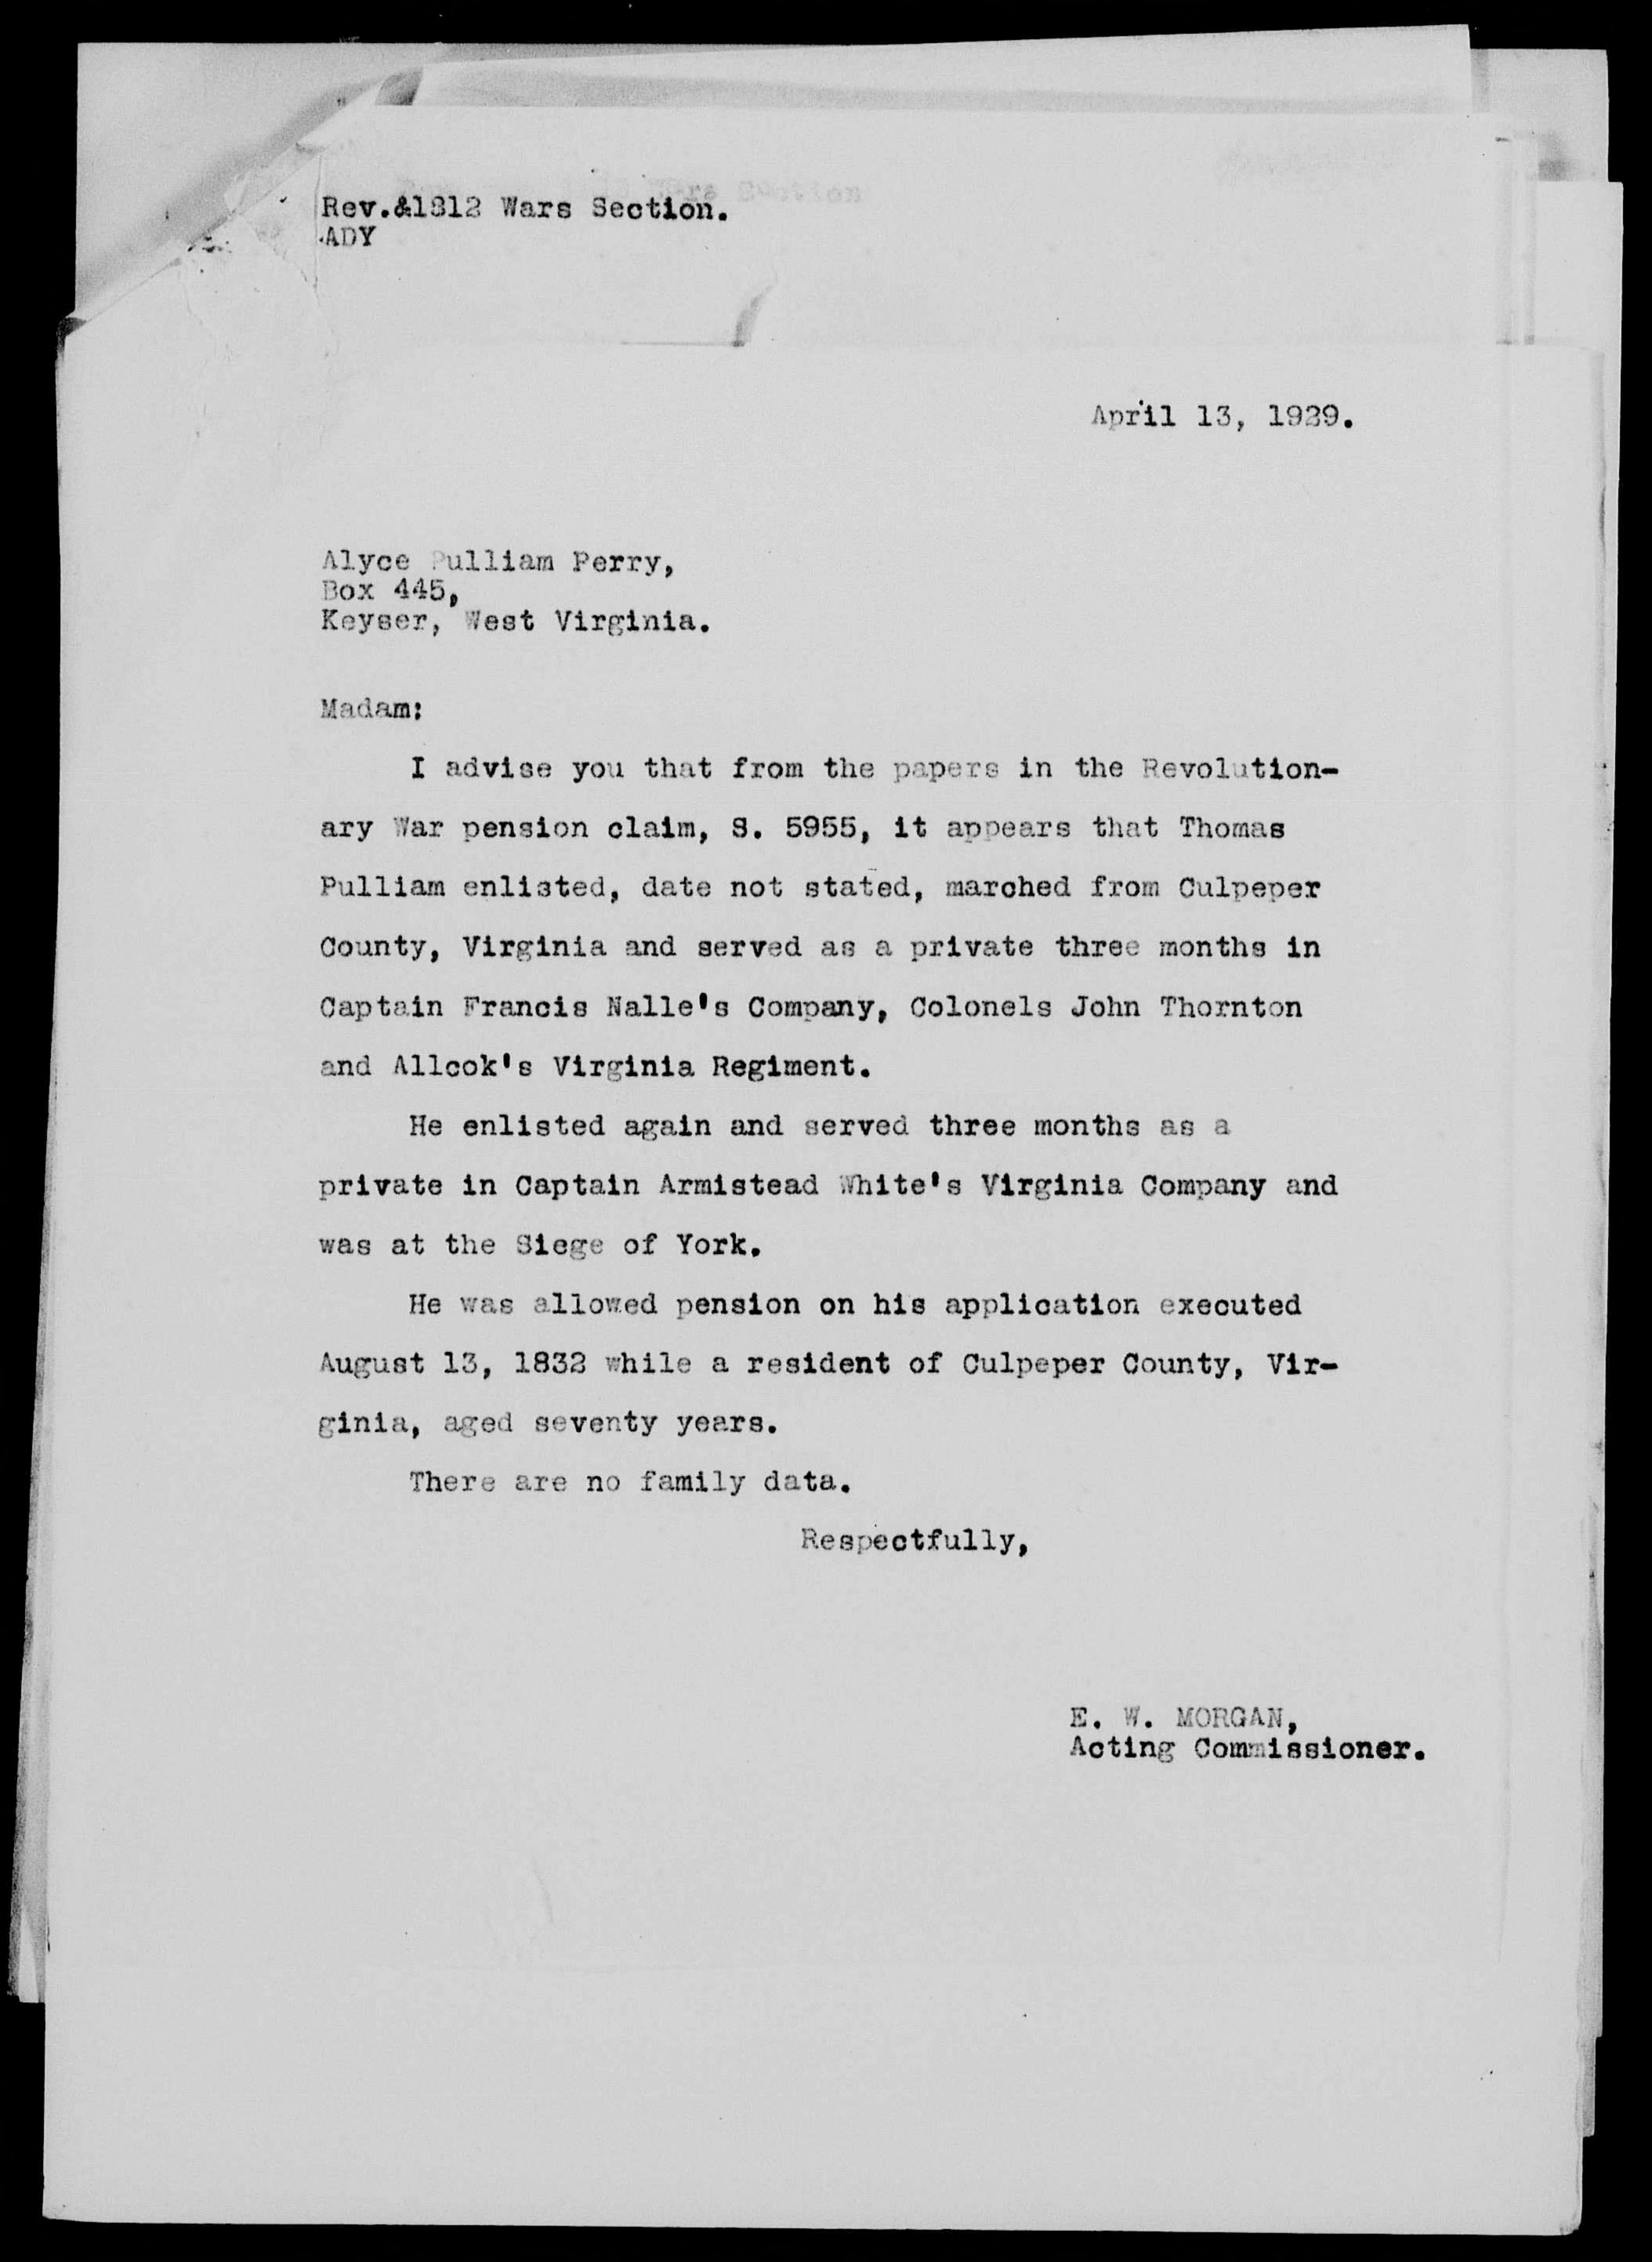Rev.&1812 Wars Section,
ADY

April 13, 1939.

Alyce Pulliam Perry,
Box 445,
Keyser, West Virginia.

Madam:

I advise you that from the papers in the Revolutionary
War pension claim, S. 5955, it appears that Thomas
Pulliam enlisted, date not stated, marched from Culpeper
County, Virginia and served as a private three months in
Captain Francis Nalle's Company, Colonels John Thornton
and Allcok's Virginia Regiment.
He enlisted again and served three months as a
private in Captain Armistead White's Virginia Company and
was at the Siege of York,
He was allowed pension on his application executed
August 13, 1832 while a resident of Culpeper County, Virginia,
aged seventy years.
There are no family data.

Respectfully,

E. W. MORGAN,
Acting Commissioner.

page: 14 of 27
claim: survivor's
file: S. 5,955, for Thomas Pulliam, Virginia